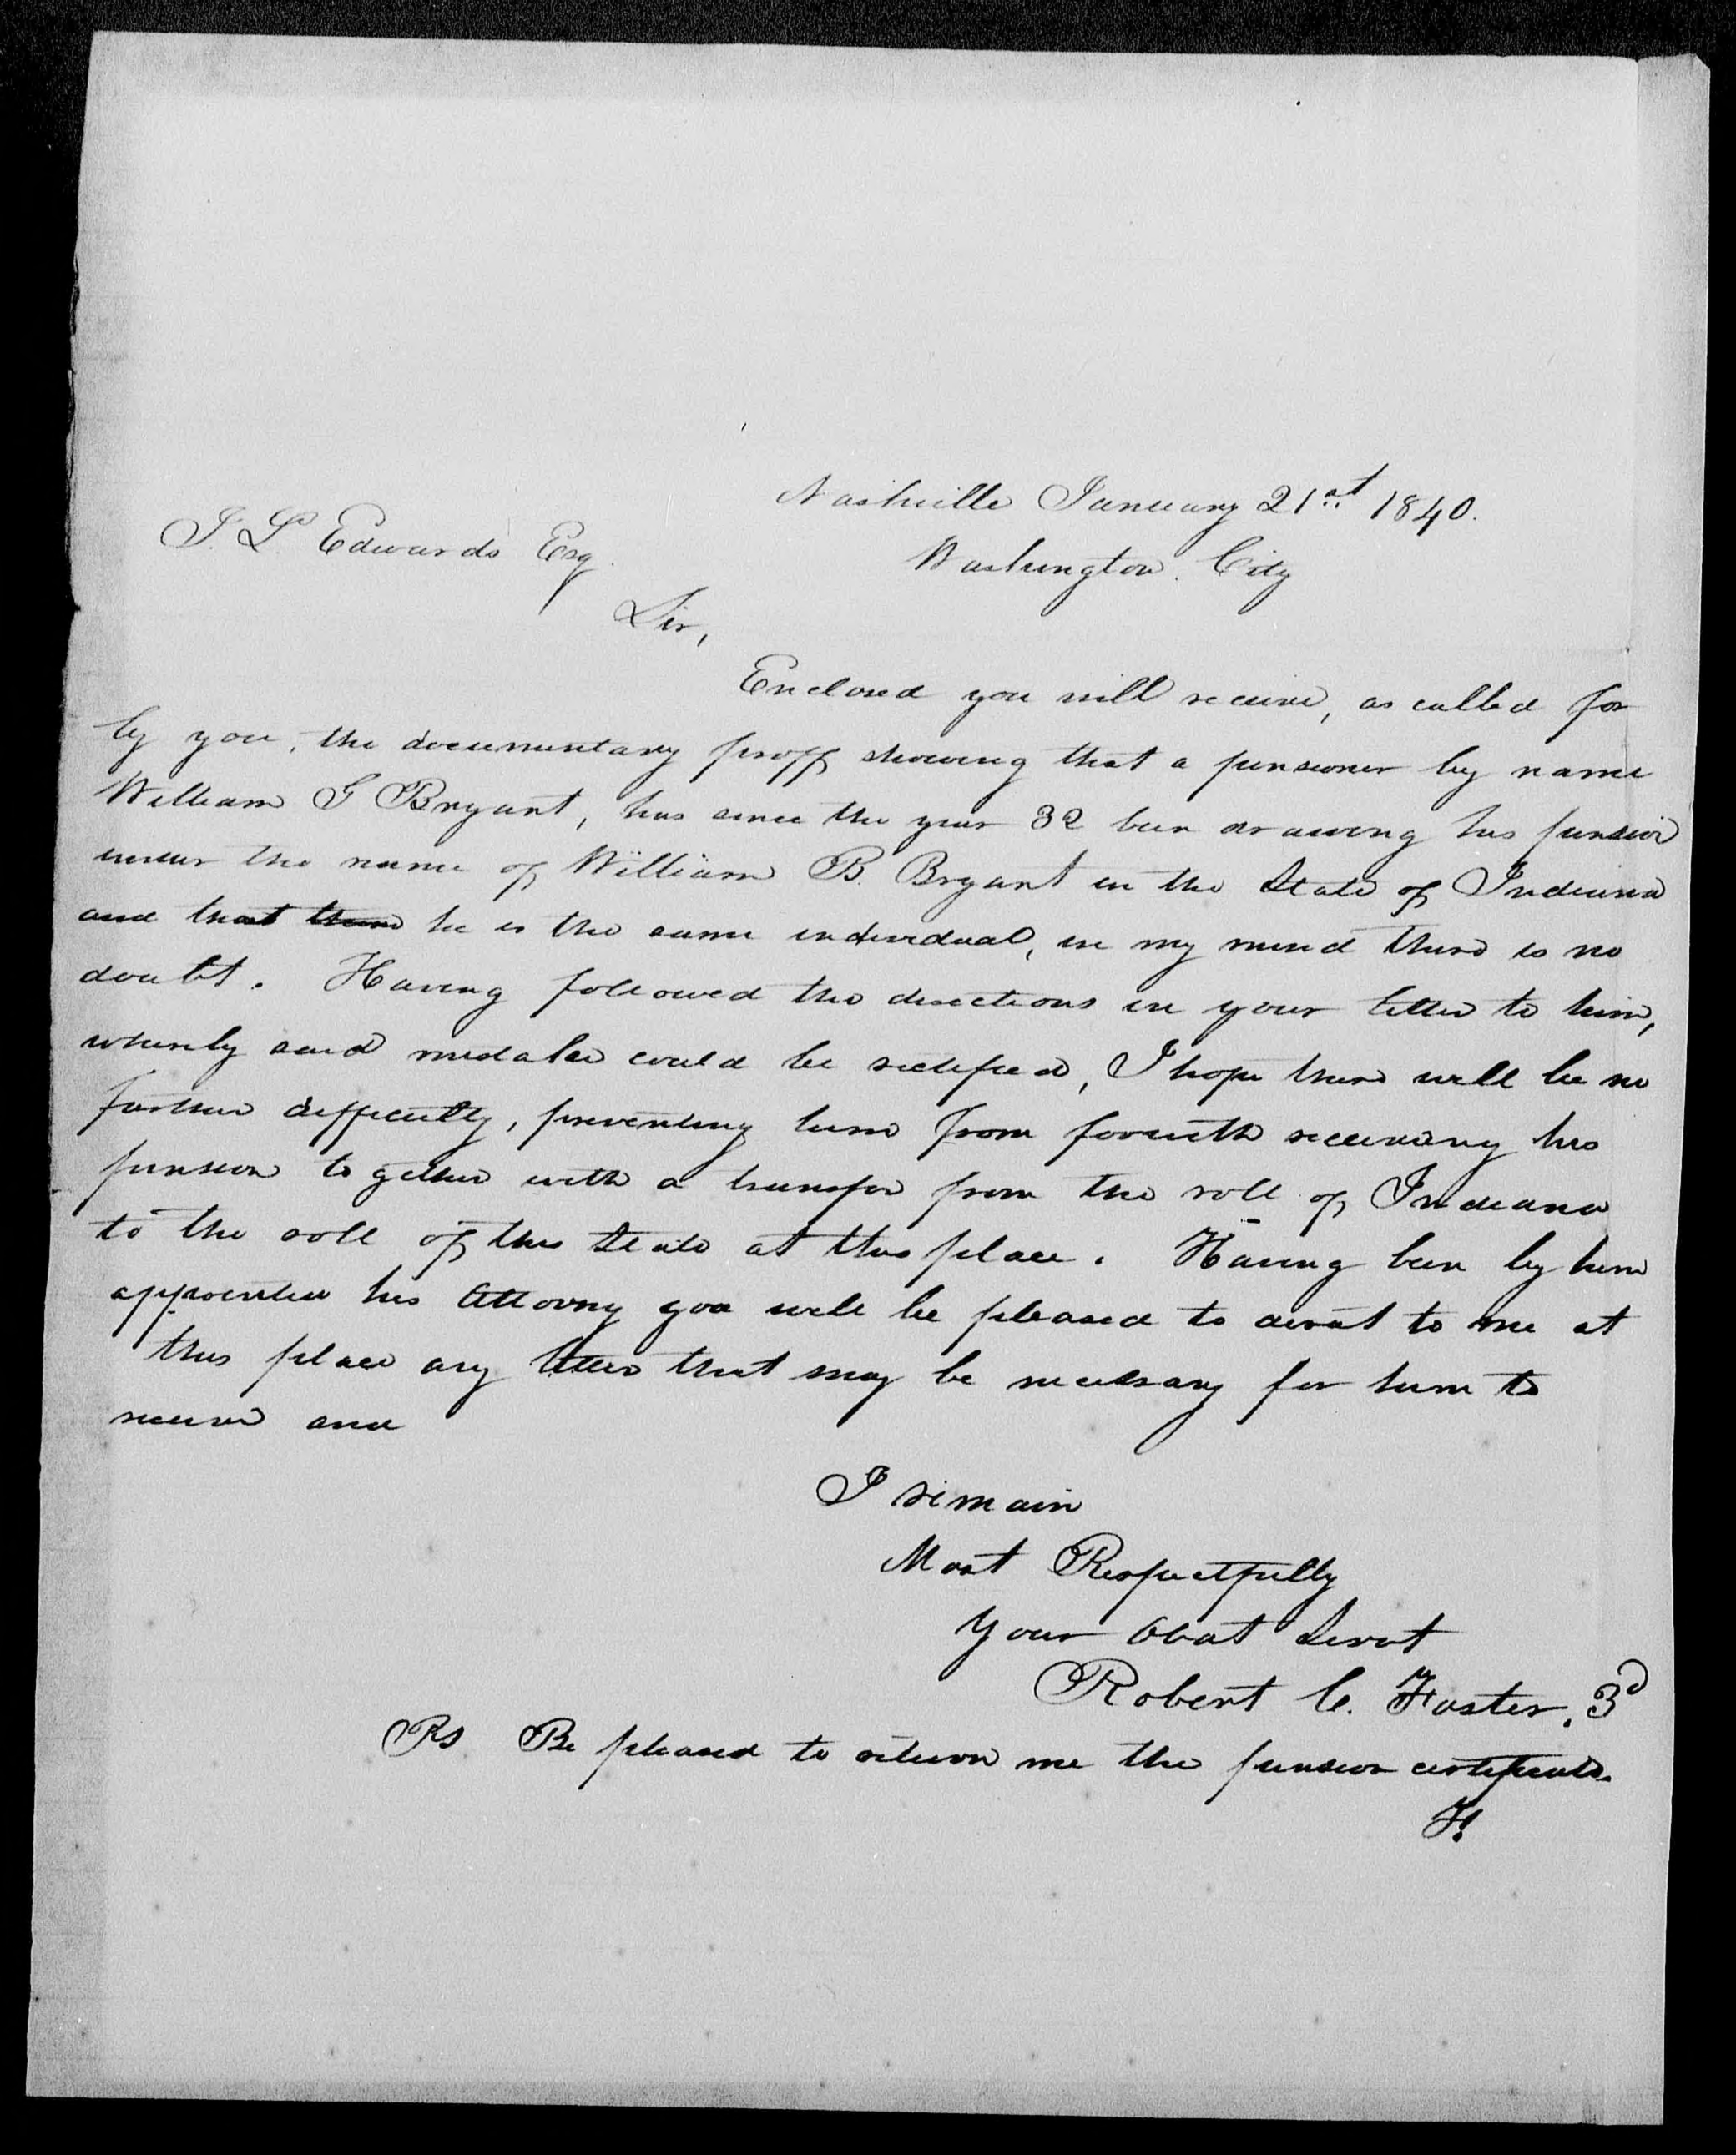[Nashville] January 21st 1840
Washington City

J. L. Edwards Esq.

Sir, 
Enclosed you will [receive], as called for by you, the documentary [illegible] showing that a  pensioner by name William G. Bryant, has since the year 32 been [illegible] his pension under the name of William B. Bryant in the State of Indiana and that [illegible] he is the same individual, in my mind there is no doubt. Having followed the directions in your letter to him, whereby said [mistake] could be [illegible], I hope [there] will be no further difficulty, preventing him from [forwith] securing his pension together with a [transfer] from the roll of Indiana to the roll of the State of this [illegible]. Having been by him appointed his attorney you will be pleased to [illegible] to me at [illegible] any letters that may be necessary for him to [receive] and
I remain 
Most Respectfully
Your  [illegible] Servant
Robert C. Foster, 3rd

PS. Be pleased to [illegible] me this pension [certificate]. 
[initial]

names: William G Bryant, William B Bryant, J L Edwards, Robert C Foster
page: 13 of 31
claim: survivor's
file: S. 3049, William G Bryant, Va.